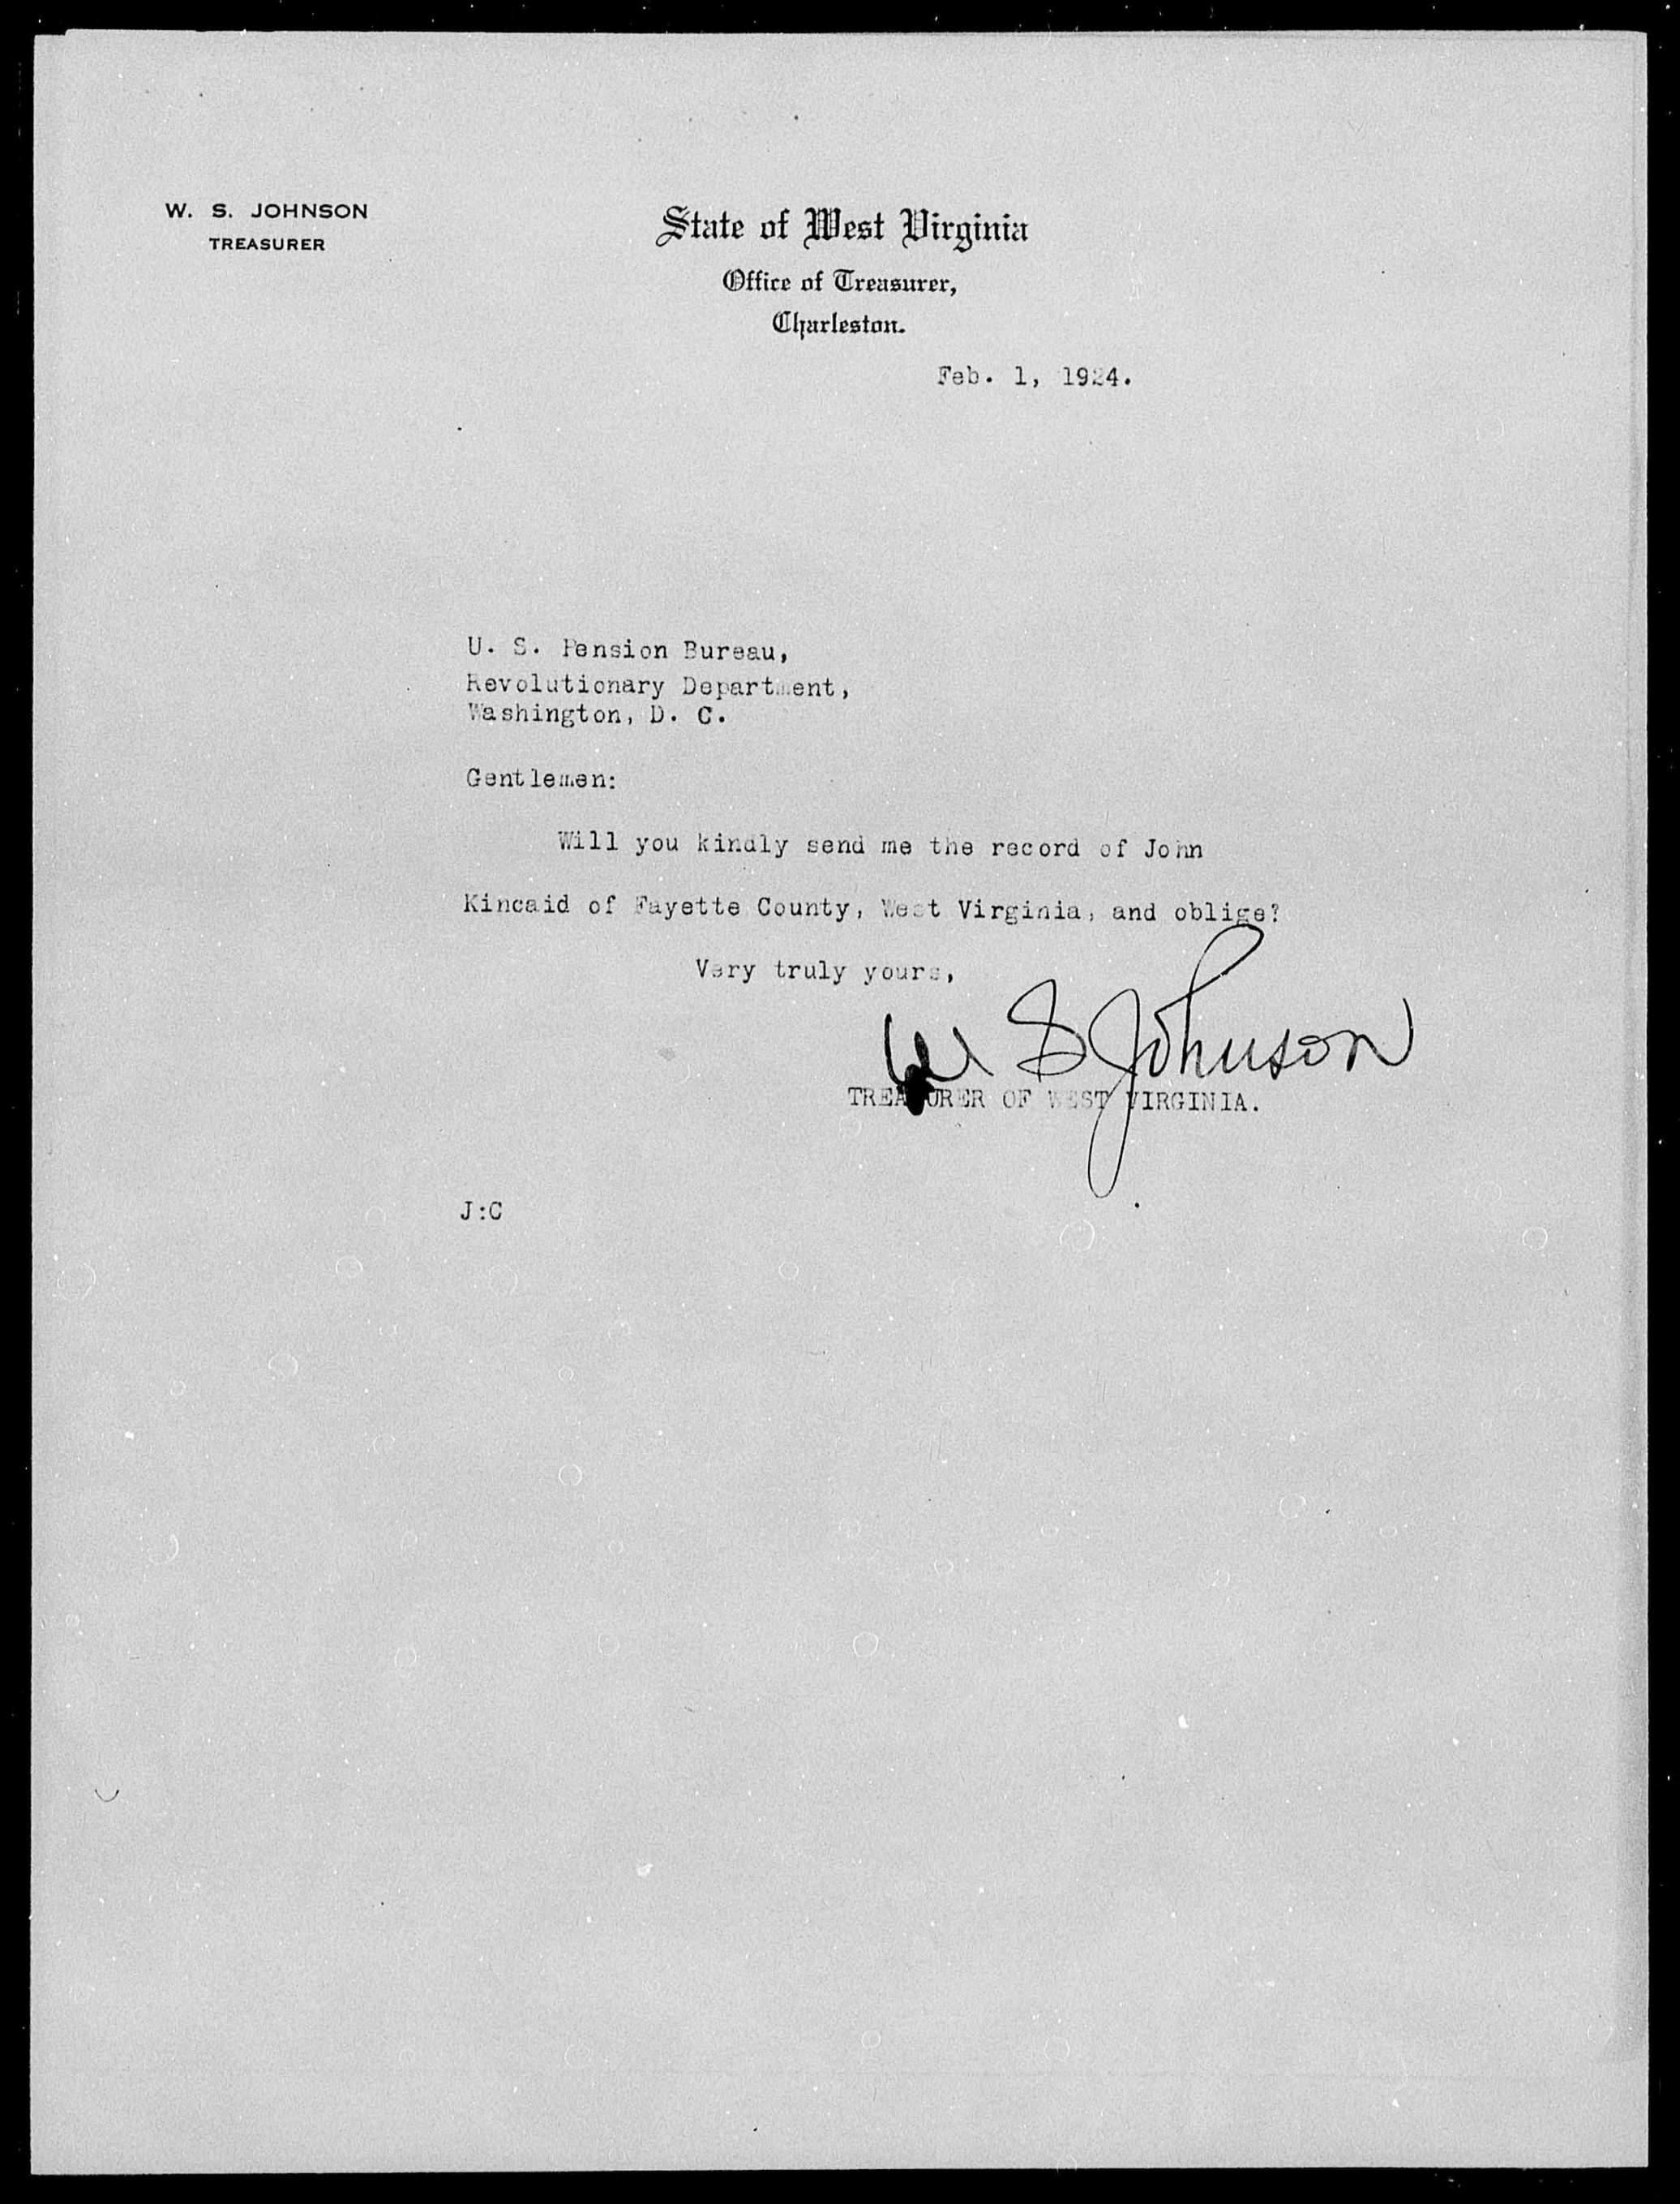W.S. Johnson
Treasurer


State of West Virginia
Office of Treasurer,
Charleston.

Feb. 1, 1924.



U.S. Pension Bureau
Revolutionary Department,
Washington, D.C.



Gentlemen:

Will you kindly send me the record of John Kincaid of Fayette County, West Virginia, and oblige?

Very truly yours,

W.S. Johnson
Treasurer of West Virginia







J:C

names: John Kincaid; W S Johnson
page: 10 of 33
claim: survivor's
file: S. 19367, for John Kincaid, Virginia